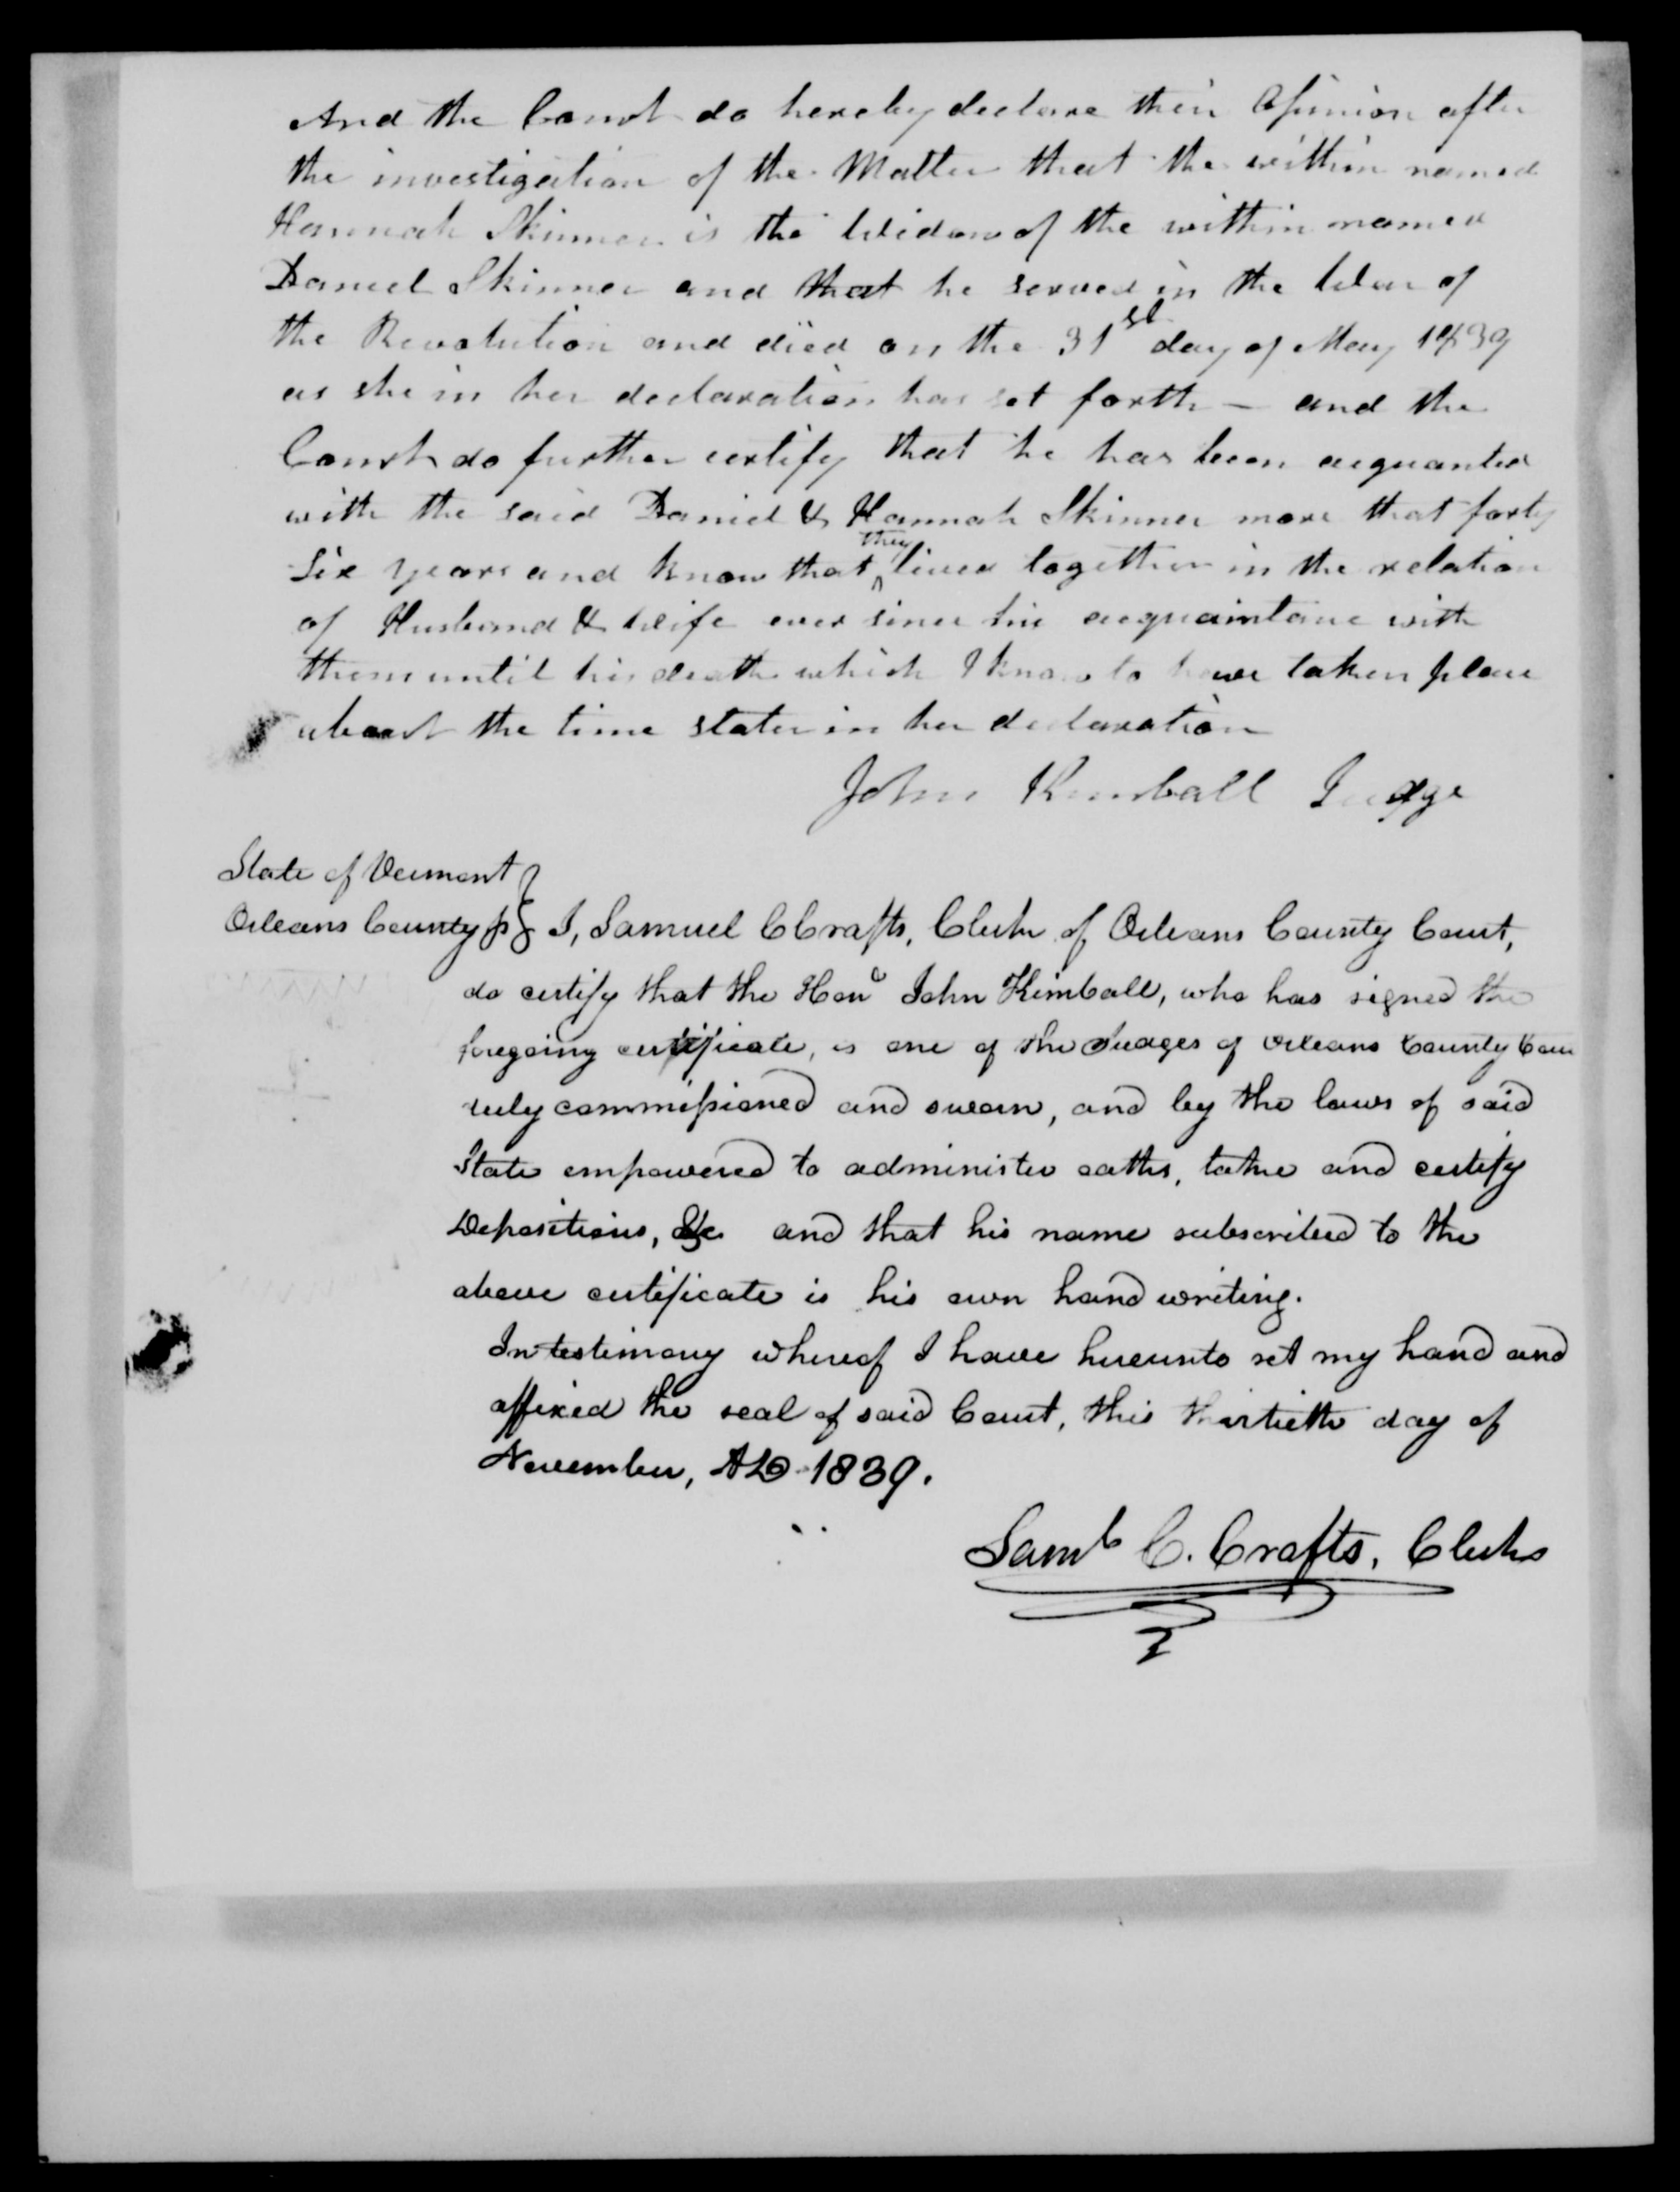And the Court do hereby declare their opinion after
the investigation of the matter that the within named
Hannah Skinner is the widow of the within named
Daniel Skinner and that he served in the War of
the Revolution and died on the 31st day of May 1839
as she in her declaration has set forth --and the
Court do further certify that he has been acquainted with
the said Daniel & Hannah Skinner more that forty
Six years and know that live together in the relation
of Husband & wife ever since his acquaintance with
them until his death which I know to have taken place
about the time stated in her declaration.
John Kimball Judge

State of Vermont
Orleans CountySS ⎬ I, Samuel C Crafts, Clerk of Orleans County Court,
do certify that the Hon. John Kimball, who has signed the
foregoing certificate, is one of the Judges of Orleans County Com.
duly commissioned and sworn, and by the laws of said
State impowered to administer oaths, take and certify
Depositions, &c and that his name subscribed to the
above certificate is his own hand writing.
In testimony whereof I have hereunto set my hand and
affixed the seal of said Court, this thirtieth day of
November, AD 1839.
Saml C. Crafts, Clerks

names: Daniel Skinner; Daniel Skinner; John Kimball; Hannah Skinner; Samuel C Crafts; Hannah Skinner; John Kimball; Saml C Crafts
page: 6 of 46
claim: widow's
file: W. 24976, for Daniel Skinner, New Hampshire